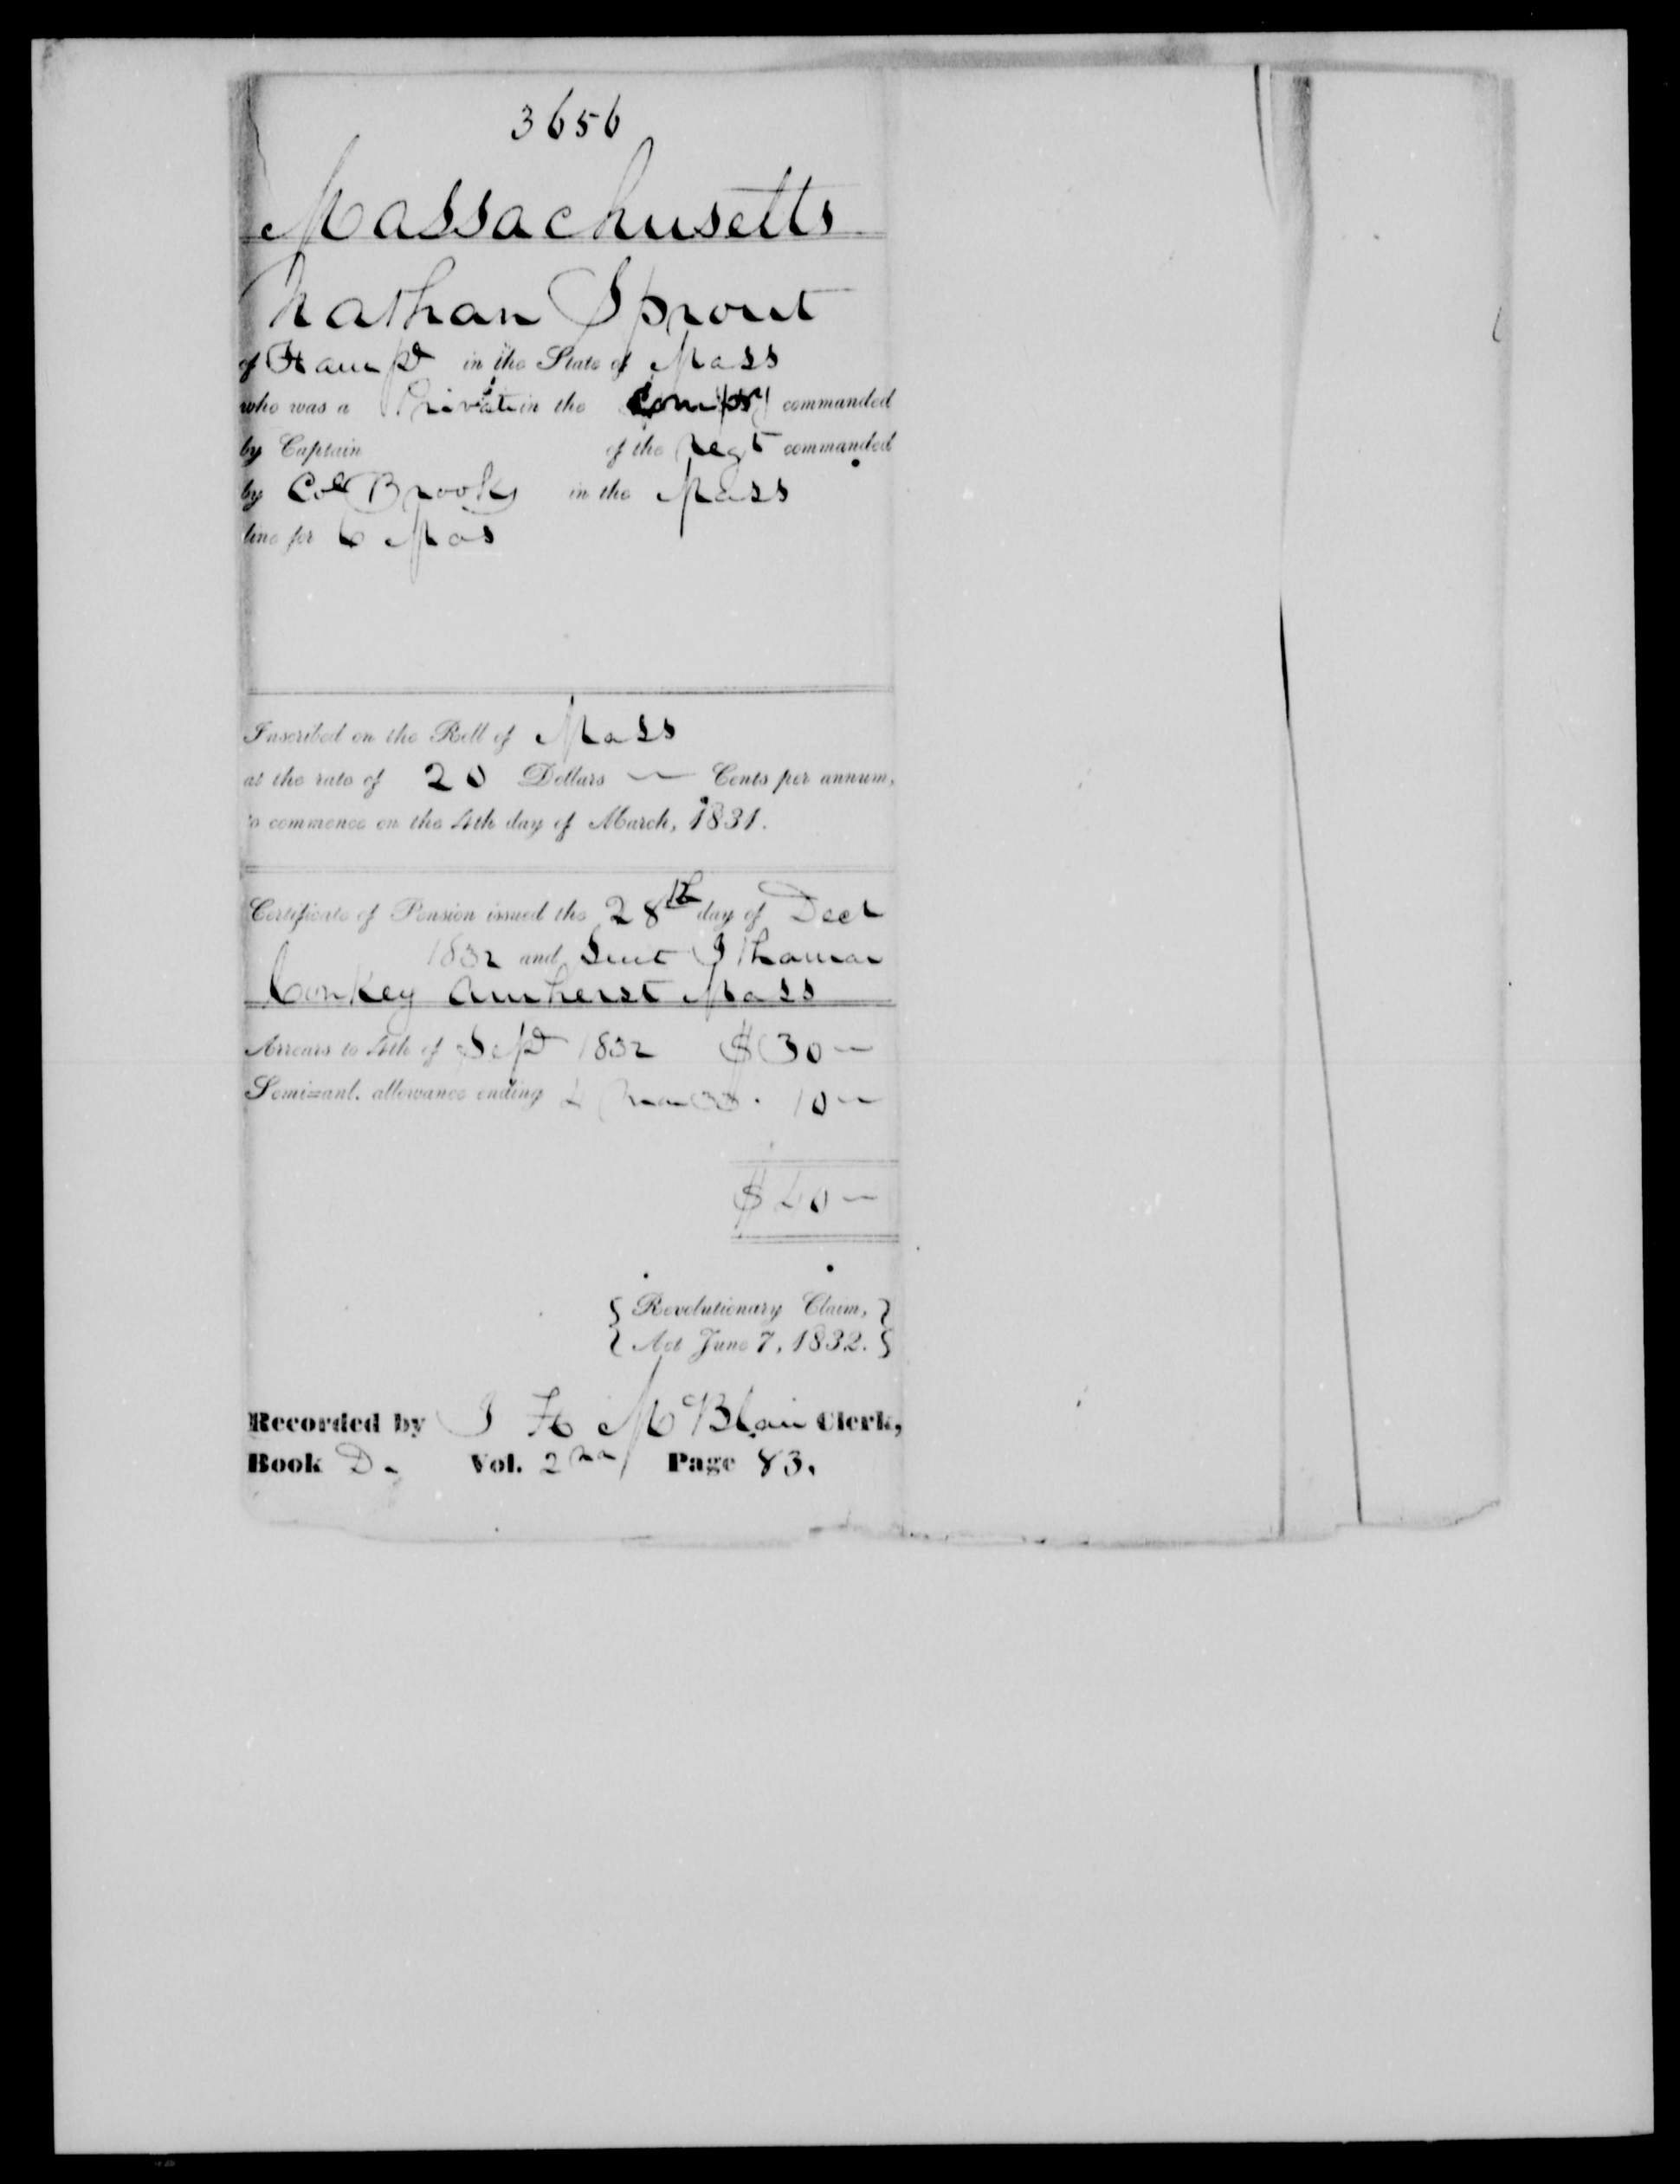3656

Massachusetts
Nathan Sprout
of Hamp in the State of Mass
who was a Private in the Comp. commanded
by Captain ____________of the Regt commanded
by Col Brooks in the Mass
line for 6 Mos.

Inscribed on the Roll of Mass
at the rate of 20 Dollars _____ Cents per annum,
to commence on the 4th day of March, 1831.

Certificate of Pension issued the 28th day of Dec
1832 and [illegible] I Thomas
Conkey Amherst Mass

Arrears to 4th Sept 1832          $30.00
Semianl. allowance ending 2 [illegible]     $10.00
                                                Total    $20.00

Revolutionary Claim,
Act June 7, 1832.

Recorded by [illegible]  M. Blair Clerk,
Book D.  Vol. 2nd  Page 83.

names: [BLANK] Brooks; Nathan Sprout; Thomas Conkey; J F Mc Blair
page: 2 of 32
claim: widow's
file: W. 2014, for Nathan Sprout, Massachusetts